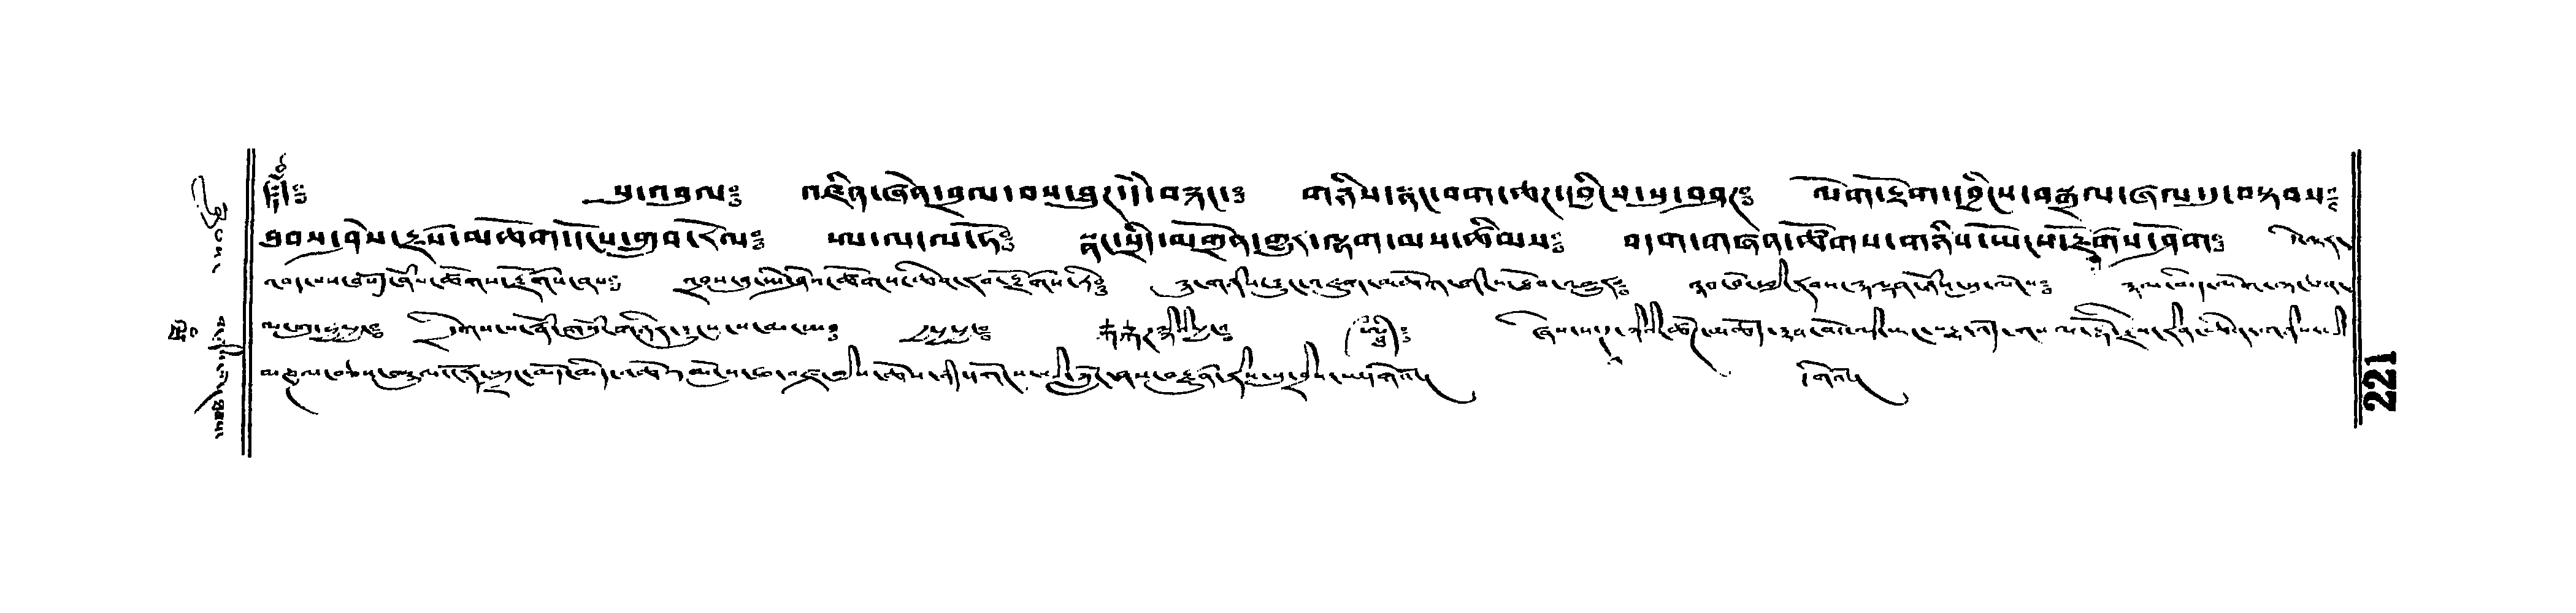སུ་འབུལ༔ འཛིན་ཞེན་བྲལ་བས་ཐུགས་དམ་བསྐང༔ གཉིས་སྣང་བག་ཆགས་དབྱིངས་སུ་བཤགས༔ ལོག་རྟོག་དབྱིངས་བསྒྲལ་ཞལ་དུ་བསྟབས༔ 
ཐབས་ཤེས་རྫས་མཆོག་དངོས་གྲུབ་རོལ༔ ཨ་ལ་ལ་ཧོ༔ སྣང་སྲིད་མགྲོན་གྱུར་ལྷག་མས་ཚིམས༔ བདག་གཞན་ཚོགས་གཉིས་ཡོངས་རྫོགས་ཤོག༔ དེ་ལྟར་
འབད་པས་བསོད་ནམས་ཚོགས་རྫོགས་ནས༔ འབྲས་བུ་ཡེ་ཤེས་ཚོགས་ཆེན་རབ་རྫོགས་ཏེ༔ སྐུ་གཉིས་ཟུང་འཇུག་མཆོག་གི་ས་འཐོབ་འགྱུར༔ ཟབ་བོ་ཕྱི་རབས་སྐལ་ལྡན་ཉམས་སུ་ལོངས༔ སྐལ་མེད་ལོག་ལྟ་ཅན་
ལ་གུ་ཧྱ་རྒྱ༔ དྲེགས་པ་རྣམ་གསུམ་གཉེར་ཟུངས་ས་མ་ཡ༔ རྒྱ་རྒྱ་རྒྱ༔ ༔ ཞེས་པ་ཌཱ་ཀིའི་ཚོགས་མཆོད་ཟབ་མོ་འདི་ཡང་པདྨ་འོད་གསལ་རྡོ་རྗེས་རིན་ཆེན་གཉིས་པའི་
མཎྜལ་བཅས་བསྐུལ་ངོར་སྤྲང་མདོ་མེད་འཆོལ་མོ་སུ་ཁ་བཛྲ་གྱིས་ཆོས་ཉིད་དགོངས་པའི་ཀློང་ནས་བརྫུན་རིས་སུ་བྲིས་པ་དགེའོ།། དགེའོ།།